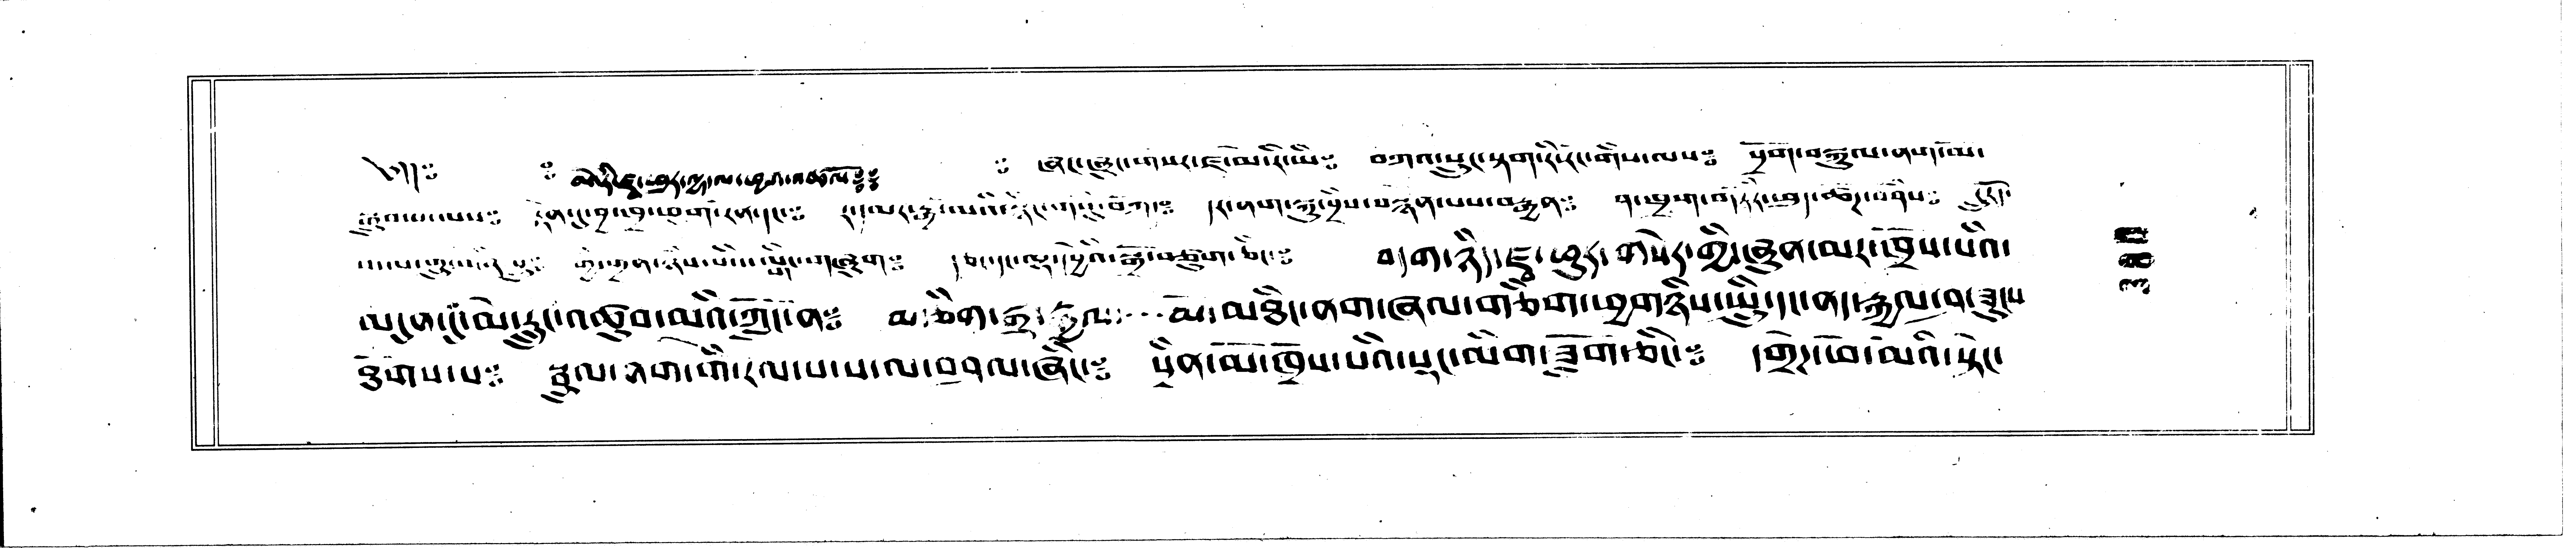༅།༔༔མེ་རི་ཛྭ་ཕུར་ལྷ་ལ་ཕྱག་འཚལ་ལོ༔༔༔ ཞང་ཞུང་གསེར་ཛྭ་མེ་རི་ཡ༔ བཀའ་སྲུང་སྟག་རི་རོང་གི་ལས༔ སྲོག་བསྐུལ་ནག་མོ་
སྒྲུབ་པ་ལས༔ རྟེན་དུ་བྱ་ཁྲ་ཕུག་རོན་དང་༔ ར་དམར་རྒྱ་མོའི་སྙིང་གསུམ་བཀོད༔ དར་ནག་སྐུ་བྲིས་བསྙེན་པས་བརྒྱན༔ཤ་ཁྲག་གཏོར་མ་ཕུད་ཚོགས་བཤམས༔དུར་ཁྲོད་
ས་ལ་གྲུ་བཞི་བྲུ༔ གྱི་གྲན་ཉམས་པའི་ལྒིང་གཞུག༔ དབང་དང་ལྷ་དབྱེའི་སྒྲོ་བཙུགས་ཅིང་༔ བདག་ཉིད་ཛྭ་ཕུར་གསེར་གྱི་ཞུན་མར་ཁྲོས་པའི་
མདུན་དུ་མེ་རླུང་འཚུབ་མའི་ཀློང་ན༔ མ་ཅིག་སྒྲ་བླའི་རྒྱལ་མོ་མཐིང་ནག་ཞལ་གཅིག་ཕྱག་གཉིས་སྤུ་གྲི་དང་ནད་རྐྱལ་ཤ་བཟུང་
ཐོགས་པ༔ སྦྲུལ་ནག་གི་རལ་པ་ས་ལ་བཤལ་ཞིང་༔ སྲིན་མོ་ཁྲོས་པའི་སྡང་མིག་ཟློག་ཅིང་༔ དགྲ་བགེགས་ཕོ་མོའི་སྟེང་